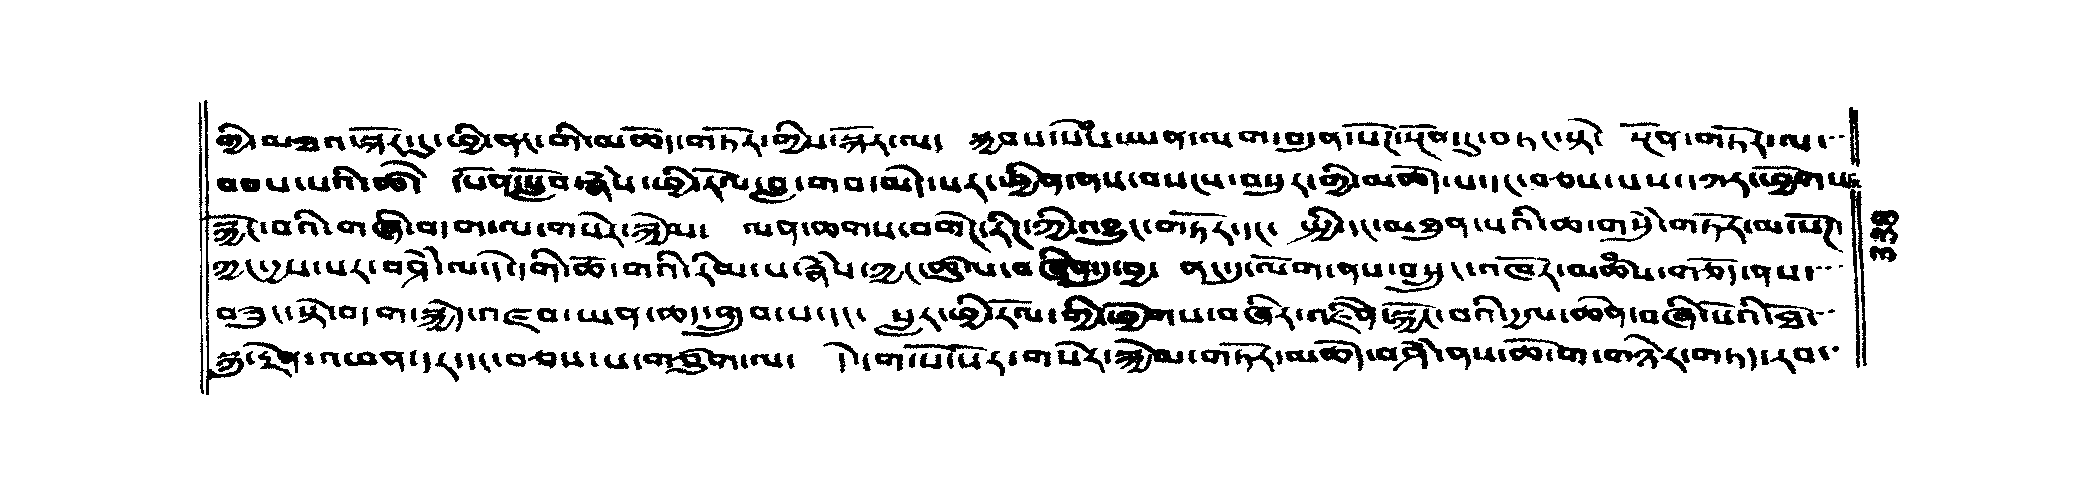གྱི་མཐའ་སྐོར་དུ་ཕྱི་ནང་གི་མཆོད་གཏོར་གྱིས་སྐོར་ལ། སྐྱབས་སེམས་ཡན་ལག་བདུན་སོགས་སྔོན་དུ་བཏང་སྟེ། སྔོན་གཏོར་ལ་
བབས་པའི་ཚེ། དཔོན་སློབ་རྣམས་ཕྱི་རོལ་བླ་གབ་མེད་པར་ཕྱིན་ནས་བསངས་བསུར་གྱི་མཆོད་པ་དང་བཅས་པས་དཀར་ཕྱོགས་
སྐྱོང་བའི་གཞི་བདག་ལ་གསེར་སྐྱེམས་ལན་ཆགས་བགེགས་རིགས་ཀྱི་འབྱུང་གཏོར་དང་། སྤྱི་དང་མཐུན་པའི་ཆ་གསུམ་གཏོར་མ་སོགས་
ཀྱང་རྒྱས་པར་བཤམས་ལ་དེ་དག་གི་ཆོ་གའི་རིམ་པ་རྣམས་ཀྱང་ཚུལ་བཞིན་དུ་བྱ། ནང་དུ་ལོག་ནས་བསྲུང་འཁོར་མཚམས་གཅོད་ནས་
བཟུང་སྟེ་བདག་བདག་བསྐྱེད་འཛབ་ཡན་ཆད་གྲུབ་པ་དང་། སླར་ཕྱི་རོལ་གྱི་ཕྱོགས་བཞིར་འཇིག་རྟེན་སྐྱོང་བའི་རྒྱལ་ཆེན་བཞི་པོའི་ཐོ་
སྐུ་རྟེན་འཕན་དར་དང་བཅས་པ་གཙུག་ལ། དེ་དག་སོ་སོར་གསེར་སྐྱེམས་གཏོར་མཆོད་བཤམས་ནས་ཆོ་ག་གཉེར་གཏད་རབ་